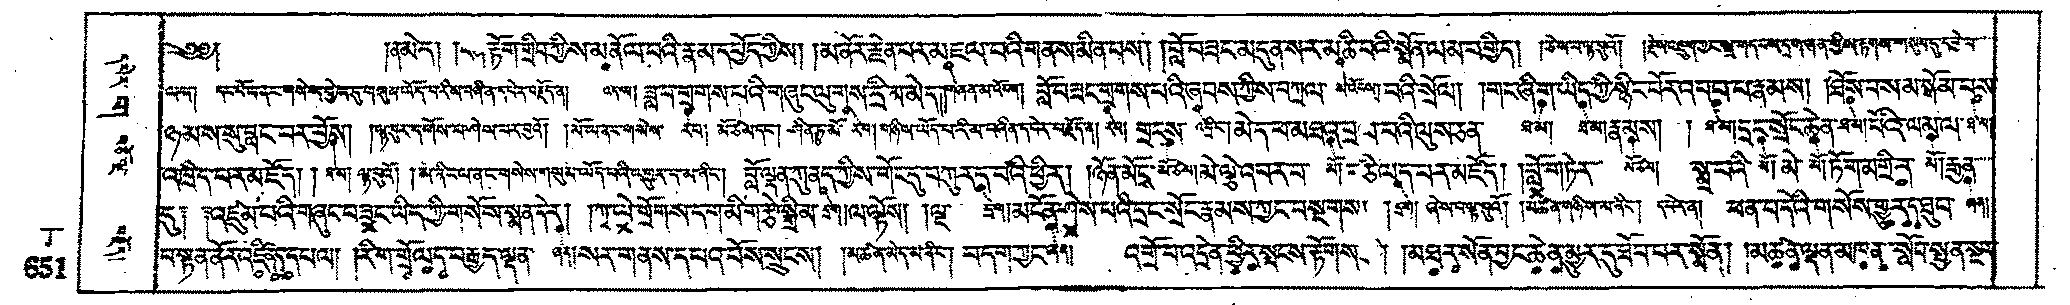༄༅། །ན་མེད། །ངན་རྟོག་གྲིབ་ཀྱིས་མནོལ་བའི་རྣམ་དཔྱོད་ཀྱིས། །མ་ནོར་རྗེན་པར་མཇལ་བའི་གནས་མིན་པས། །བློ་བཟང་མདུན་སར་མཆི་བའི་སྨོན་ལམ་བགྱིད། །ཅེས་པ་ལྟ་བུའོ། །རྗེས་འཇུག་ཀྱང་སྒྲ་གདངས་དྲག་ཞན་གྱིས་རྟགས་གསུམ་དུ་བྱེ་བ་་་
ལས། དང་པོ་ལ་ནང་གསེས་སྐྱེས་བུ་གསུམ་ཡོད་པ་རིམ་བཞིན་དཔེར་བརྗོད་ན། འདས། ཟླ་བ་གྲགས་པའི་གཞུང་ལུགས་དྲི་མ་མེད། །གཞན་མ་འོངས།  བློ་བཟང་གྲགས་པའི་ཞབས་འབྲིང་ཀྱིས་བཀྲལ་མའོངས་བའི་སྲོལ། །གང་ཞིག་ཡིད་ཀྱི་སྙིང་པོར་འབབ་པ་རྣམས། །ཐོས་བསམ་སྒོམ་པས་
ཉམས་སུ་བླང་བར་བྱོས། །ལྟ་བུར་དགོས་པ་ཤེས་པར་བྱའོ། །མོ་ལ་ནང་གསེས་རབ། མོ་ཙམ་དང་། ཤིན་ཏུ་མོ་རབ། གཉིས་ཡོད་པ་རིམ་བཞིན་དབེར་བརྗོད་ན།  གྲངས། འབྲིང་།  མེད་ཕ་མཐའ་བྲལ་བའི་ལུས་ཅན་ཐ་མ། ཐ་མ།  རྣམས། །ཐ་མ། དྲང་སྲོང་ཆེན་ཐ་མ།  པོའི་ལམ་ལ་ཐ་མ།
འཁྲིད་པར་མཛོད། ཐ་མ། ལྟ་བུའོ། །མ་ནིང་ལ་ནང་གསེས་གསུམ་ཡོད་པའི་འགྱུར་བ་མ་ནིང་།  བློ་ལྡན་ཀུནད་ཀྱིས་གོང་དུ་བཀུརད་བའི་ཕྱིར། །ཉོན་མོངས་མོ་ཙམ།  མེ་ལྕེ་འབར་བ་མོ།  བཅིལད་པར་མཛོད། །བློ་གཏེར་མོ་ཙམ།  སྨྲ་བའི་མོ་མེ་མོ་ཏོག་མགྲིན་མོ་མགྲིན། མོ་རྒྱན་་་
དུ༑ ༑འཛུམ་པའི་གཞུང་བཟང་ཡིད་ཀྱི་གསོས་སྨན་དེར། །ཀྭ་ཡེ་གྲོགས་དག་མིག་རྩེ་སྒྲིམ་དག་ལ་ལྟོས། །ལྔ་དྲག།  མངོན་ཤེས་པའི་དྲང་སྲོང་རྣམས་ཀྱང་བསྔགས། །དྲག། ཞེས་པ་ལྟ་བུའོ། །མཚན་གཉིས་མ་ནིང་། དཔེར་ན།  ཕན་བདེའི་གསོས་གྱུར་དུ་ཐུབ་ཞན།
བསྟན་ནོར་འཛིན་ད་དཔལ། །རིག་གྲོ་ལད་བརྒྱད་ལྡན། ཞན།  སར་གནས་དཔའ་བོས་སྲུངས། །མཚན་མེད་མ་ནིང་།  བདག་ཀྱང་ཞན།  འགྲོ་བ་འདྲེན་ཕྱིར་སྤངས་རྟོགས། །མཐར་སོན་བྱང་ཆེན་མྱུར་དུ་ཐོབ་པར་སྨོན། །མཚན་ལྡན་མཁན་སློབ་སྤྱན་སྔར་